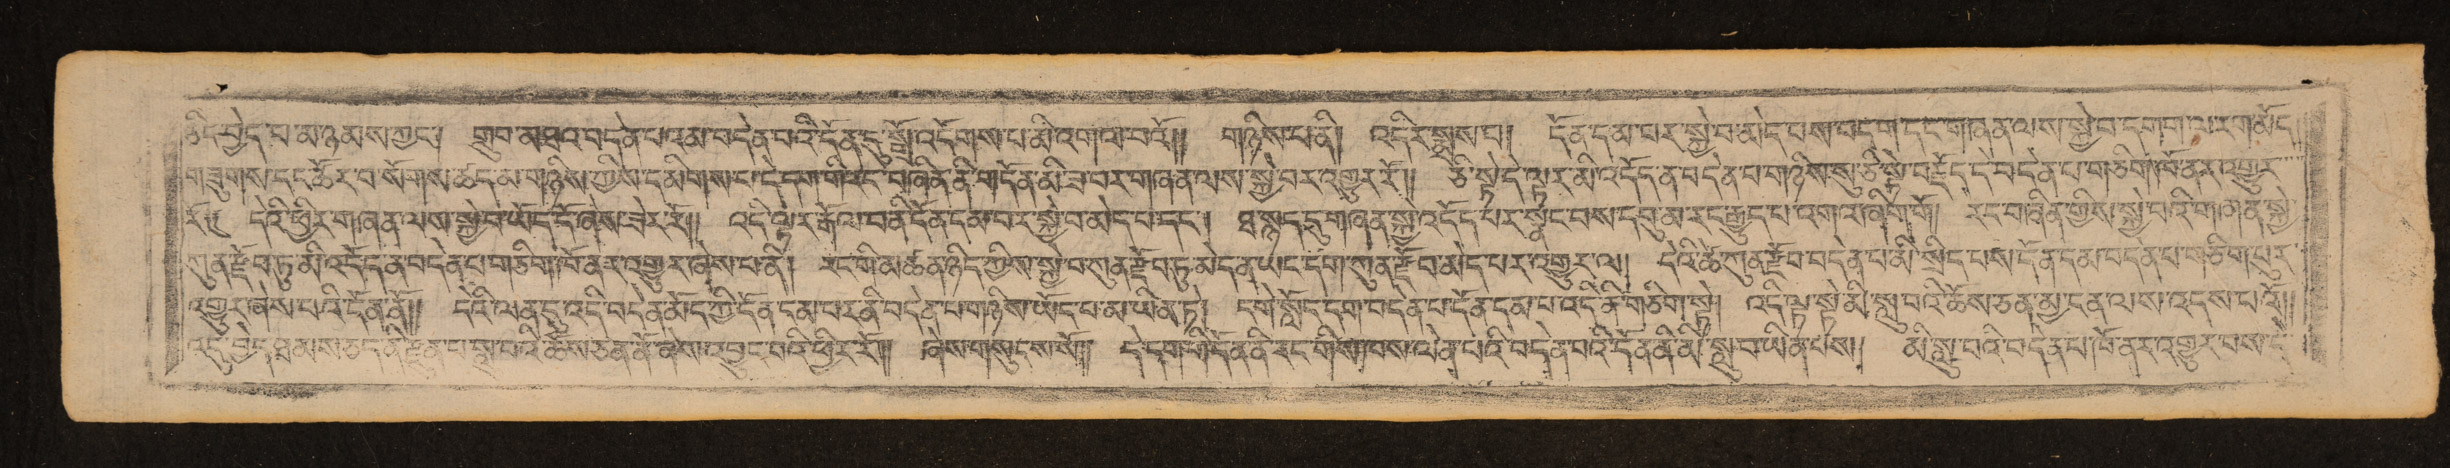ཅིང་བྱེད་པ་མ་ཉམས་ཀྱང་། གྲུབ་མཐའ་བདེན་པའམ་བདེན་པའི་དོན་དུ་སྒྲོ་འདོགས་པ་མི་འགལ་བའོ།། གཉིས་པ་ནི། འདིར་སྨྲས་པ། དོན་དམ་པར་སྐྱེ་བ་མེད་པས་བདག་དང་གཞན་ལས་སྐྱེ་བ་དགག་ལ་རག་མོད།།
གཟུགས་དང་ཚོར་བ་སོགས་ཚད་མ་གཉིས་ཀྱིས་དམིགས་པ་དེ་དག་གི་རང་བཞིན་ནི་གདོན་མི་ཟ་བར་གཞན་ལས་སྐྱེ་བར་འགྱུར་རོ།། ཅི་སྟེ་དེ་ལྟར་མི་འདོད་ན་བདེན་པ་གཉིས་སུ་ཅི་སྟེ་བརྗོད་དེ་བདེན་པ་གཅིག་ཁོ་ནར་འགྱུར་
རོ༑༑ དེའི་ཕྱིར་གཞན་ལས་སྐྱེ་བ་ཡོད་དོ་ཞེས་ཟེར་རོ།། འདི་ལྟར་རྒོལ་བ་ནི་དོན་དམ་པར་སྐྱེ་བ་མེད་པ་དང་། ཐ་སྙད་དུ་གཞན་སྐྱེ་འདོད་པར་སྣང་བས་དབུ་མ་རང་རྒྱུད་པ་འགའ་ཞིག་གོ། རང་བཞིན་གྱིས་སྐྱེ་བའི་གཞན་སྐྱེ་
ཀུན་རྫོབ་ཏུ་མི་འདོད་ན་བདེན་པ་གཅིག་ཁོ་ནར་འགྱུར་ཞེས་པ་ནི། རང་གི་མཚན་ཉིད་ཀྱིས་སྐྱེ་བ་ཀུན་རྫོབ་ཏུ་མེད་ན་ཡང་དག་ཀུན་རྫོབ་མེད་པར་འགྱུར་ལ། དེའི་ཚེ་ཀུན་རྫོབ་བདེན་པ་མི་སྲིད་པས་དོན་དམ་བདེན་པ་གཅིག་པུར་
འགྱུར་ཞེས་པའི་དོན་ནོ།། དེའི་ལན་དུ་འདི་བདེན་མོད་ཀྱི་དོན་དམ་པར་ནི་བདེན་པ་གཉིས་ཡོད་པ་མ་ཡིན་ཏེ། དགེ་སློང་དག་བདེན་པ་དོན་དམ་པ་འདི་ནི་གཅིག་སྟེ། འདི་ལྟ་སྟེ་མི་སླུ་བའི་ཆོས་ཅན་མྱ་ངན་ལས་འདས་པའོ།།
འདུ་བྱེད་ཐམས་ཅད་ནི་བརྫུན་པ་སླུ་བའི་ཆོས་ཅན་ནོ་ཞེས་འབྱུང་བའི་ཕྱིར་རོ།། ཞེས་གསུངས་སོ།། དེ་དག་གི་དོན་ནི་རང་གིས་ཁས་ལེན་པའི་བདེན་པའི་དོན་ནི་མི་སླུ་བ་ཡིན་པས། མི་སླུ་བའི་བདེན་པ་ཁོ་ནར་འགྱུར་བས་དེ་